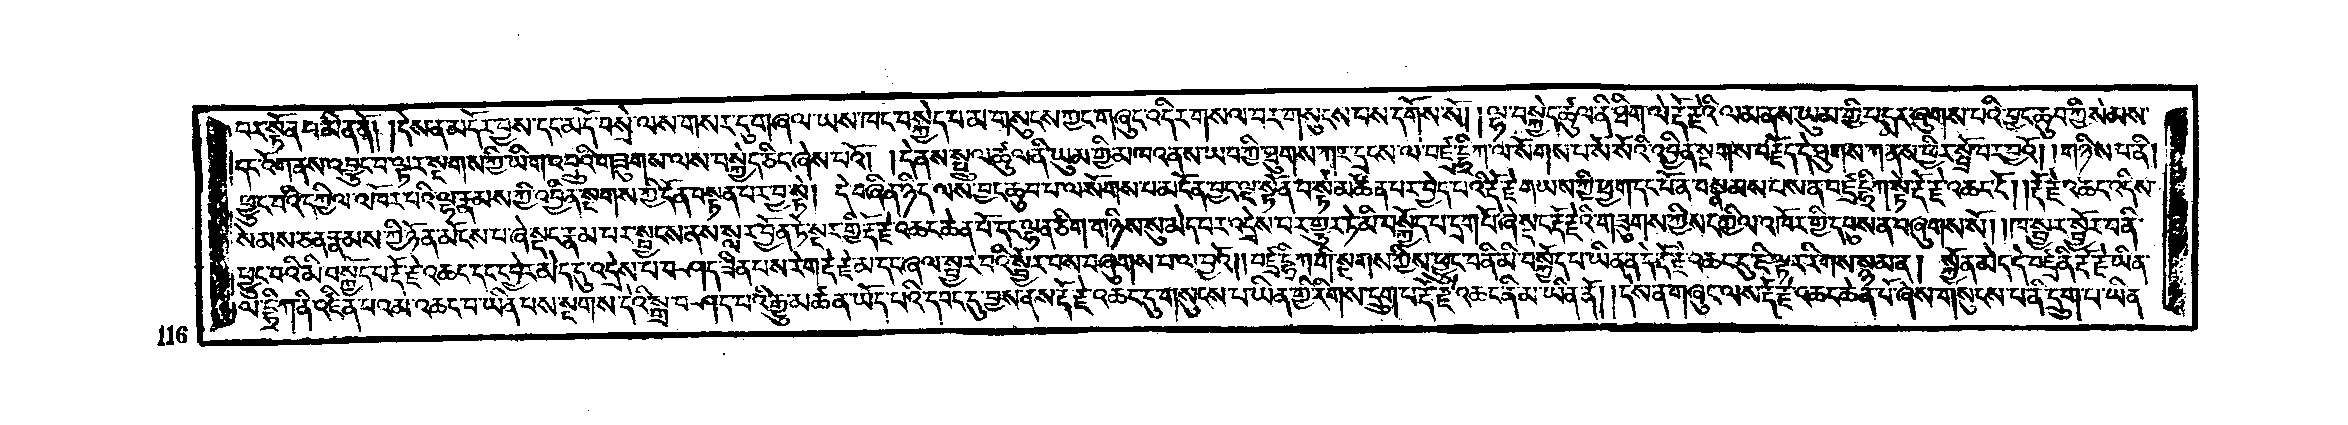པར་སྟོན་པ་མིན་ནོ། །དེས་ན་མདོར་བྱས་དང་མདོ་བསྲེ་ལས་གསར་དུ་གཞལ་ཡས་ཁང་བསྐྱེད་པ་མ་གསུངས་ཀྱང་གཞུང་འདིར་གསལ་བར་གསུངས་པས་དགོས་སོ། །ལྷ་བསྐྱེད་ཚུལ་ནི་ཐིག་ལེ་རྡོ་རྗེའི་ལམ་ནས་ཡུམ་གྱི་པདམར་ཞུགས་པའི་བྱང་ཆུབ་ཀྱི་སེམས་
དང་འོག་ནས་འབྱུང་བ་ལྟར་སྔགས་ཀྱི་ཡིག་འབྲུའི་གཟུགས་ལས་བསྐྱེད་ཅིང་ཞེས་པའོ། །དེ་ནས་སྤྲུལ་ཚུལ་ནི་ཡུམ་གྱི་མཁའ་ནས་ཡབ་ཀྱི་ཐུགས་ཀར་དྲངས་ལ་བཛྲ་དྷྲི་ཀ་ལ་སོགས་པ་སོ་སོའི་འབྱིན་སྔགས་བརྗོད་དེ་ཐུགས་ཀ་ནས་ཕྱིར་སྤྲོ་བར་བྱའོ། །གཉིས་པ་ནི།
ཕྱུང་བའི་དཀྱིལ་འཁོར་བའི་ལྷ་རྣམས་ཀྱི་འབྱིན་སྔགས་ཀྱི་དོན་བསྟན་པར་བྱ་སྟེ། དེ་བཞིན་ཉིད་ལས་བྱང་ཆུབ་པ་ལ་སོགས་པ་མངོན་བྱང་ལྔ་སྟོན་པ་སྟེ་མཚོན་པར་བྱེད་པའི་རྡོ་རྗེ་གཡས་ཀྱི་ཕྱག་དང་པོ་ན་བསྣམས་པས་ན་བཛྲ་དྷྲི་ཀ་སྟེ་རྡོ་རྗེ་འཆང་ངོ། །རྡོ་རྗེ་འཆང་འདིས་
སེམས་ཅན་རྣམས་ཀྱི་ཉོན་མོངས་པ་ཞེ་སྡང་རྣམ་པར་སྦྱངས་ནས་སླར་བྱོན་ཏེ་སྔར་གྱི་རྡོ་རྗེ་འཆང་ཆེན་པོ་དང་ལྷན་ཅིག་གཉིས་སུ་མེད་པར་འདྲེས་པར་གྱུར་ཏེ་མི་བསྐྱོད་པ་དྲག་པོ་ཞེ་སྡང་རྡོ་རྗེའི་གཟུགས་ཀྱིས་དཀྱིལ་འཁོར་གྱི་དབུས་ན་བཞུགས་སོ། །ཁ་སྦྱར་སྦྱོར་བ་ནི་
ཕྱུང་བའི་མི་བསྐྱོད་པ་རྡོ་རྗེ་འཆང་དང་དབྱེར་མེད་དུ་འདྲེས་པ་བཤད་ཟིན་པས་རེག་རྡོ་རྗེ་མ་དང་ཞལ་སྦྱར་བའི་སྦྱོར་བས་བཞུགས་པ་ལ་བྱའོ། །བཛྲ་དྷྲི་ཀ་གི་སྔགས་ཀྱིས་ཕྱུང་བ་ནི་མི་བསྐྱོད་པ་ཡིན་ན་དེ་རྡོ་རྗེ་འཆང་དུ་ཇི་ལྟར་རིགས་སྙམ་ན། སྐྱོན་མེད་དེ་བཛྲ་ནི་རྡོ་རྗེ་ཡིན་
ལ་དྷྲི་ཀ་ནི་འཛིན་པའམ་འཆང་བ་ཡིན་པས་སྔགས་དེའི་སྒྲ་བཤད་པའི་རྒྱུ་མཚན་ཡོད་པའི་དབང་དུ་བྱས་ནས་རྡོ་རྗེ་འཆང་དུ་གསུངས་པ་ཡིན་གྱི་རིགས་དྲུག་པ་རྡོ་རྗེ་འཆང་ནི་མ་ཡིན་ནོ། །དེས་ན་གཞུང་ལས་རྡོ་རྗེ་འཆང་ཆེན་པོ་ཞེས་གསུངས་པ་ནི་དྲུག་པ་ཡིན་